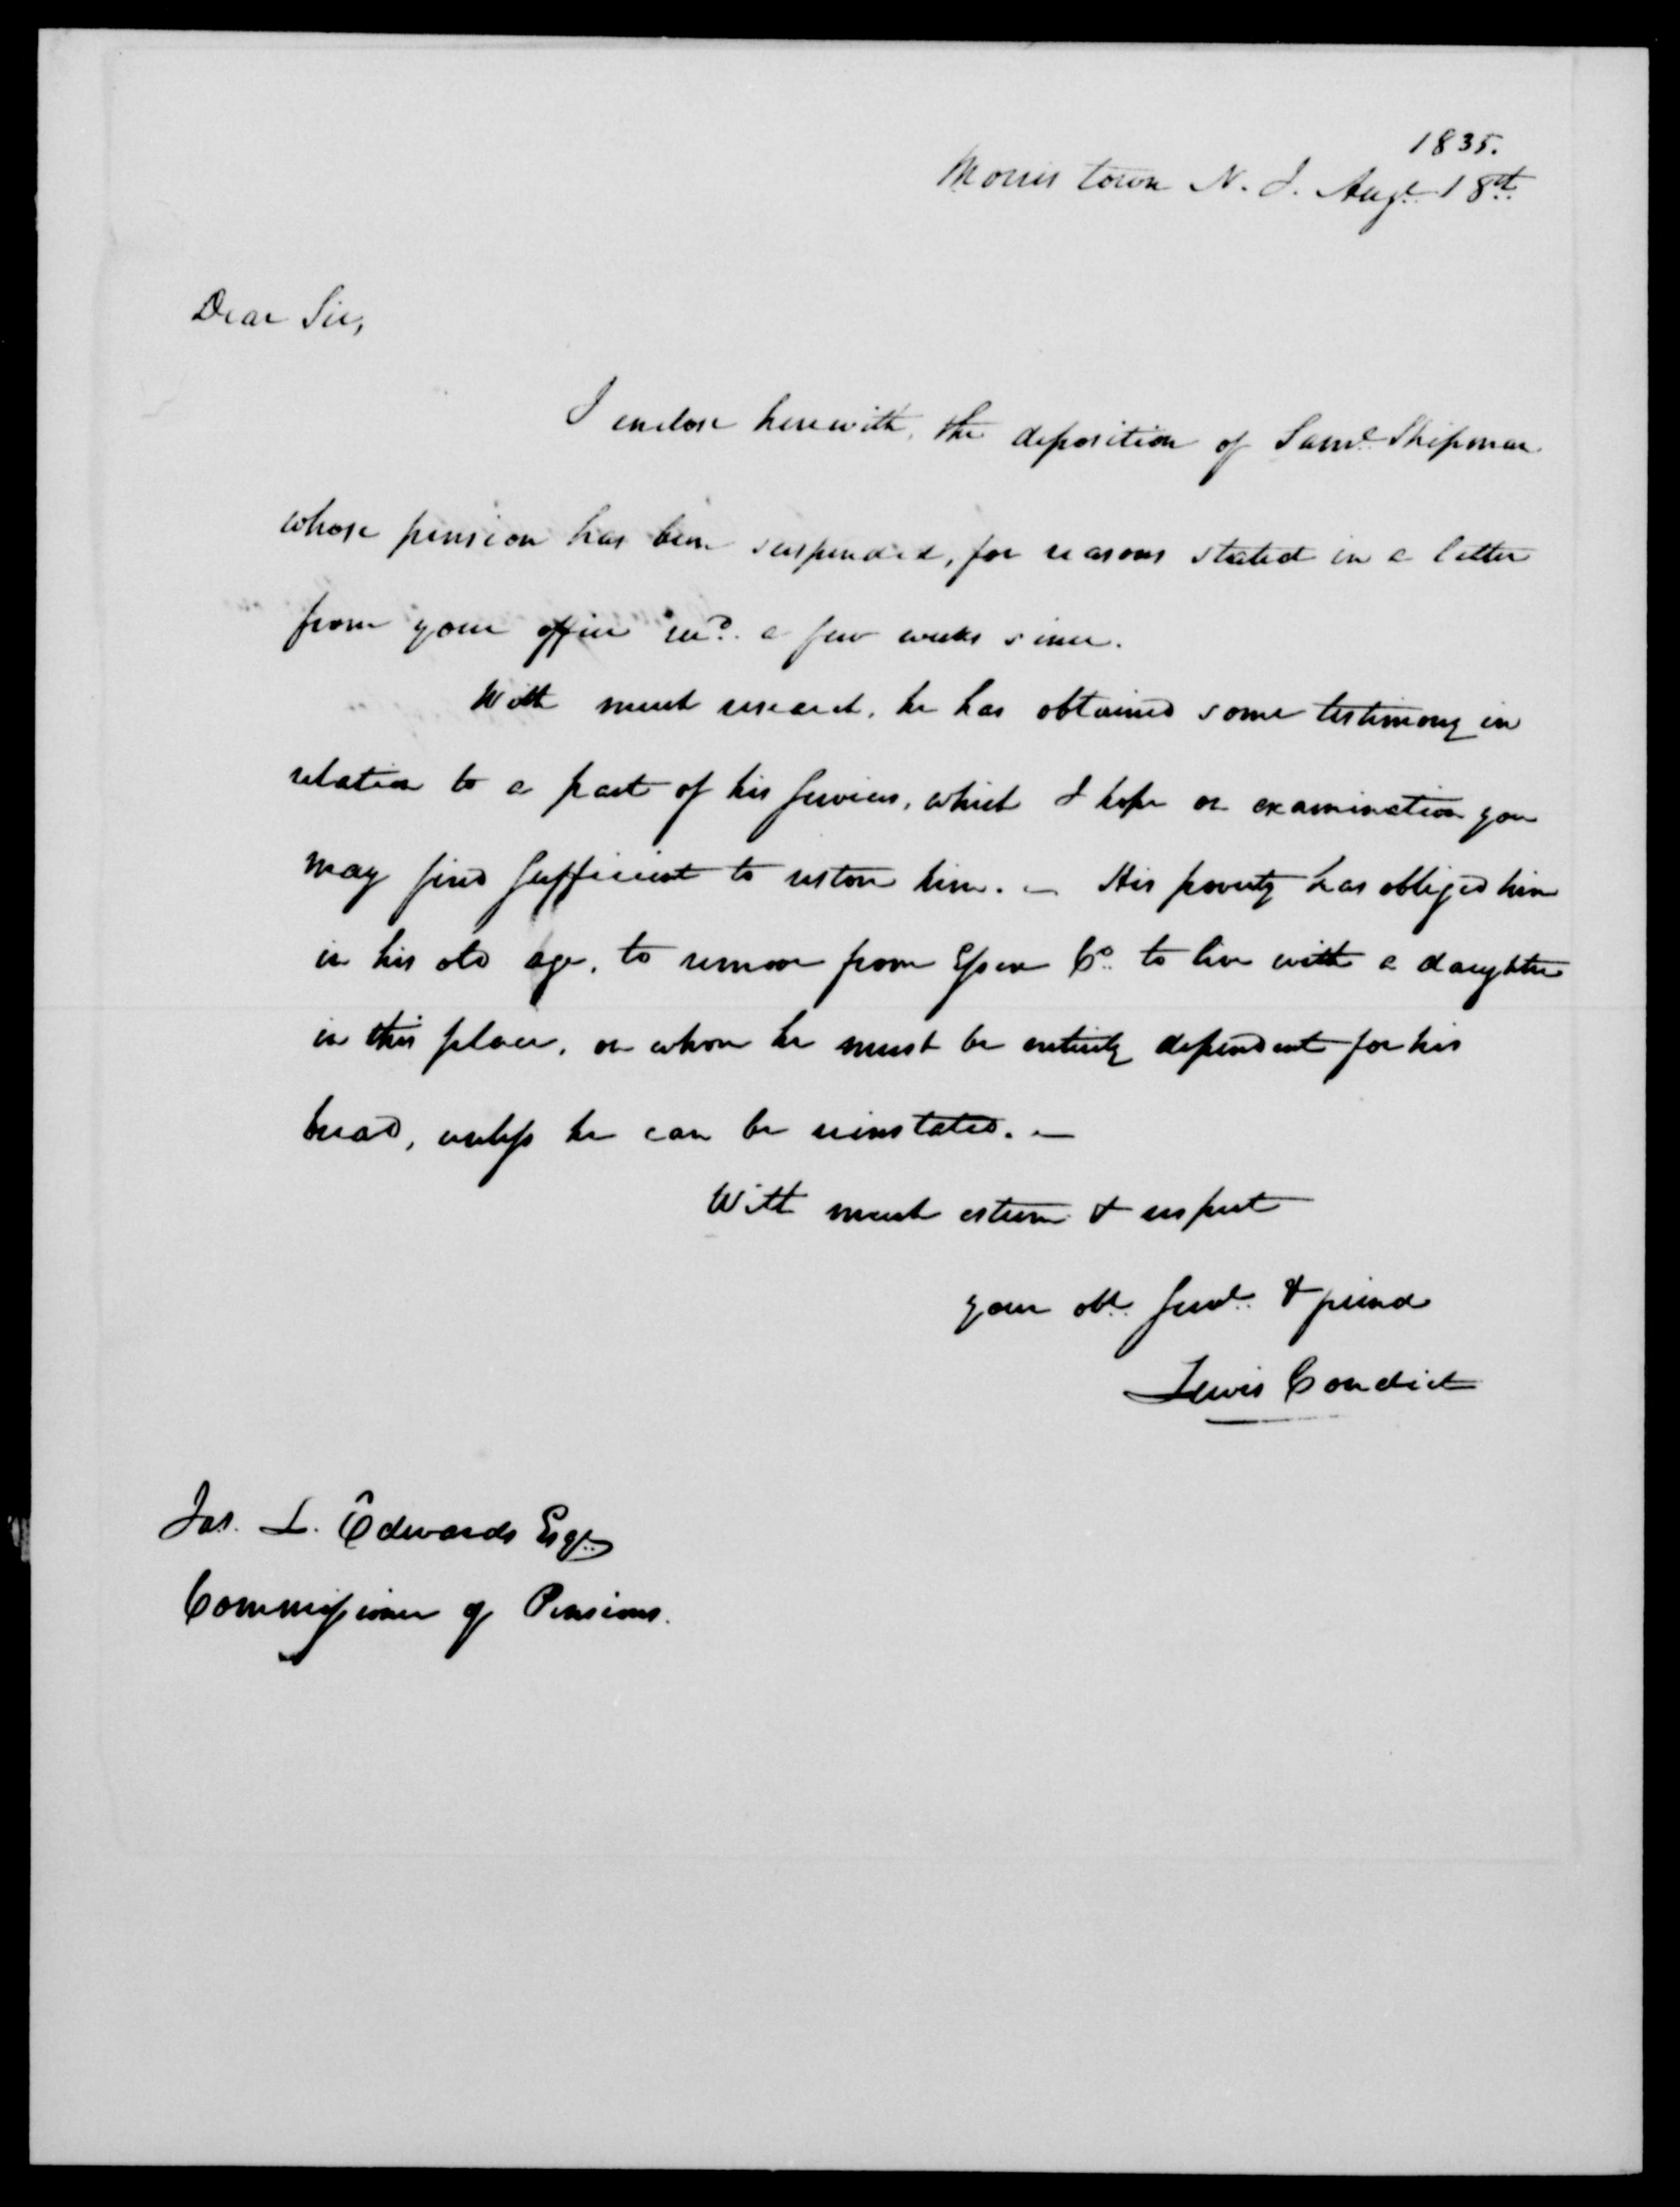Morris town N.J. Augt 18th 1835.
Dear Sir,
    I enclose herewith the deposition of said Shipman whose pension has been suspended, for reasons stated in a letter from your office  ind. a few weeks since.
    With much research, he has obtained some testimony in relation to a part of his services, which I hope on examination you may find sufficient to restore him.  His poverty has obliged him in his old age, to remove from Essex Co to live with a daughter in this place, on whom he must be entirely dependent for his [health?] unless he can be reinstated. --
With much esteem + respect your old [    ] + friend  Lewis Condict
Jas. L. Edwards Esqr. Commissioner of Pensions.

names: Saml Shipman; Jas L Edwards; Lewis Condict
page: 17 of 44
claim: survivor's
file: S. 912, for Samuel Shipman, New Jersey